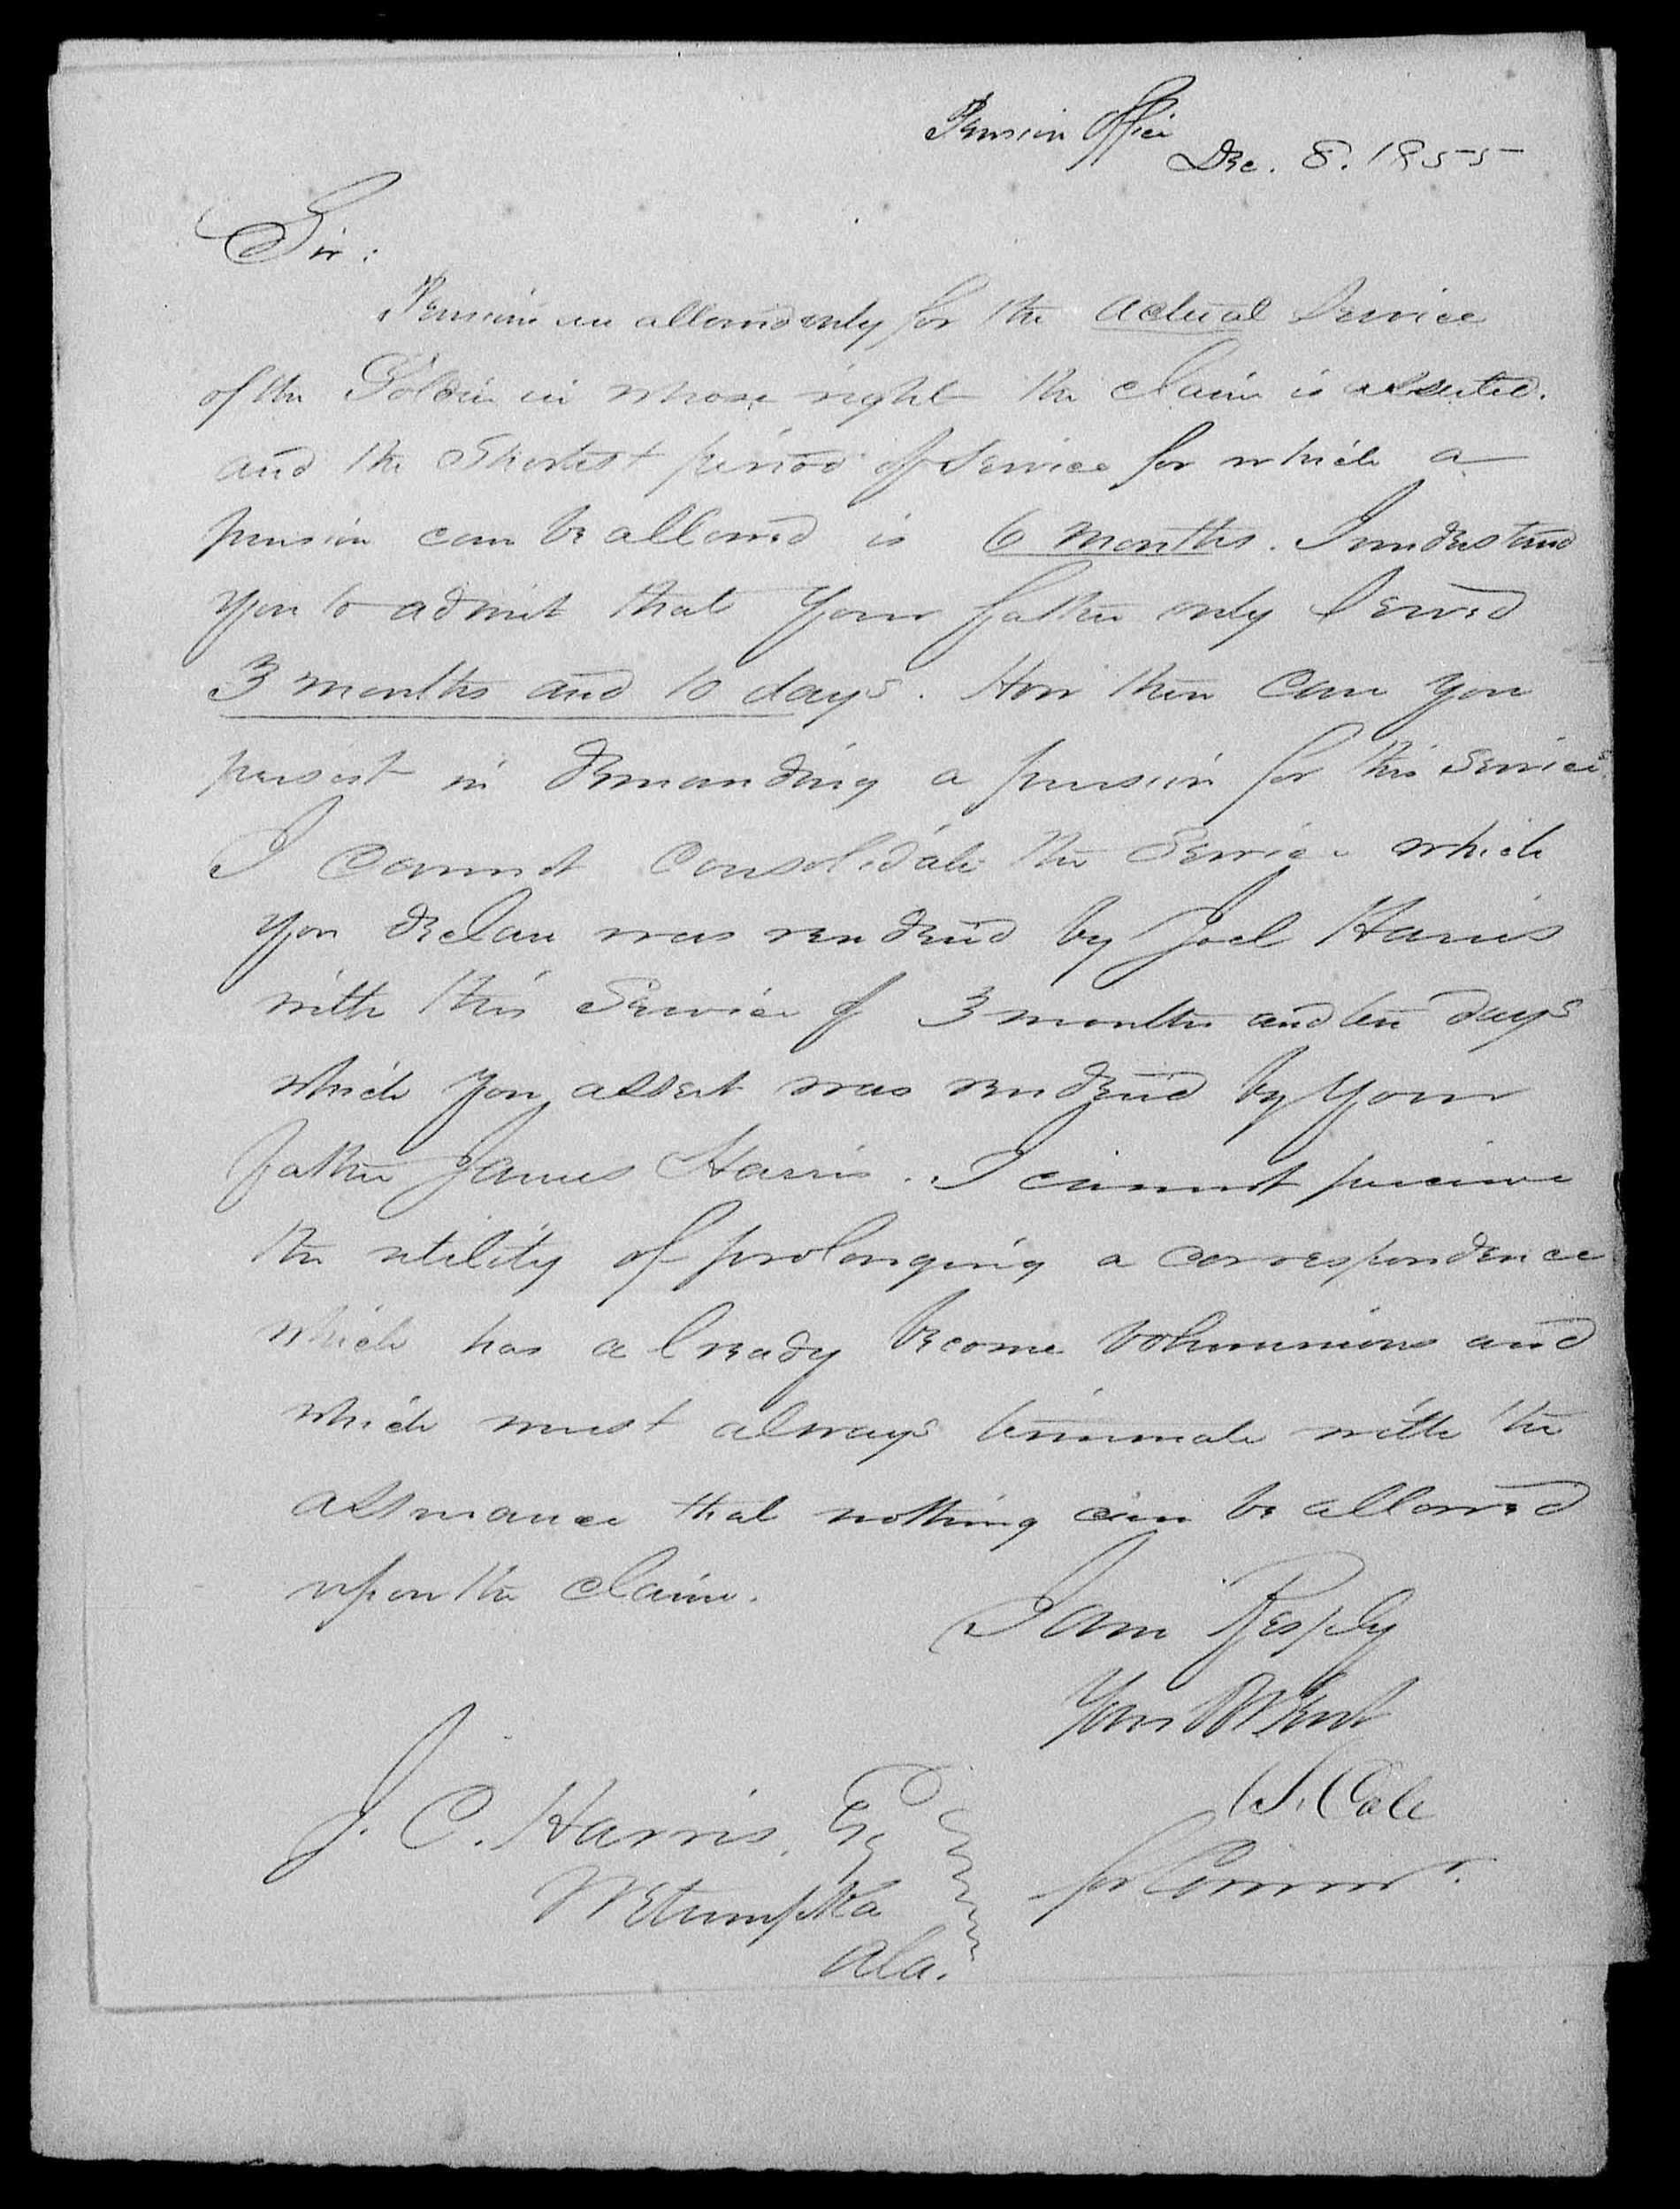Pension Office
Dec 8.1855
Sir:
  Pensions are allowed only for the actual service of the soldier in whose right the claim is asserted, and the shortest period of service for which a pension can be allowed is 6 months.  I understand you to admit that your father only served 3 months and 10 days.  How then can you present in demanding a pension for this service?
I cannot consolidate the service which you declare was rendered by Joel Harris with this service of 3 months and ten days which you assert was rendered by your father, James Harris.  I cannot perceive the utility of prolonging a correspondence which has already become voluminous and which must always terminate with the assurance that nothing can be allowed upon the claim.
I am Resply
Your [?] servt
S. Cole
for Commsr

J. C. Harris, Esq.
Wetumpka
Ala.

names: James Harris, S Cole, J C Harris, Joel Harris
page: 50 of 160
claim: rejected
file: R. 4666, James Harris, Va.